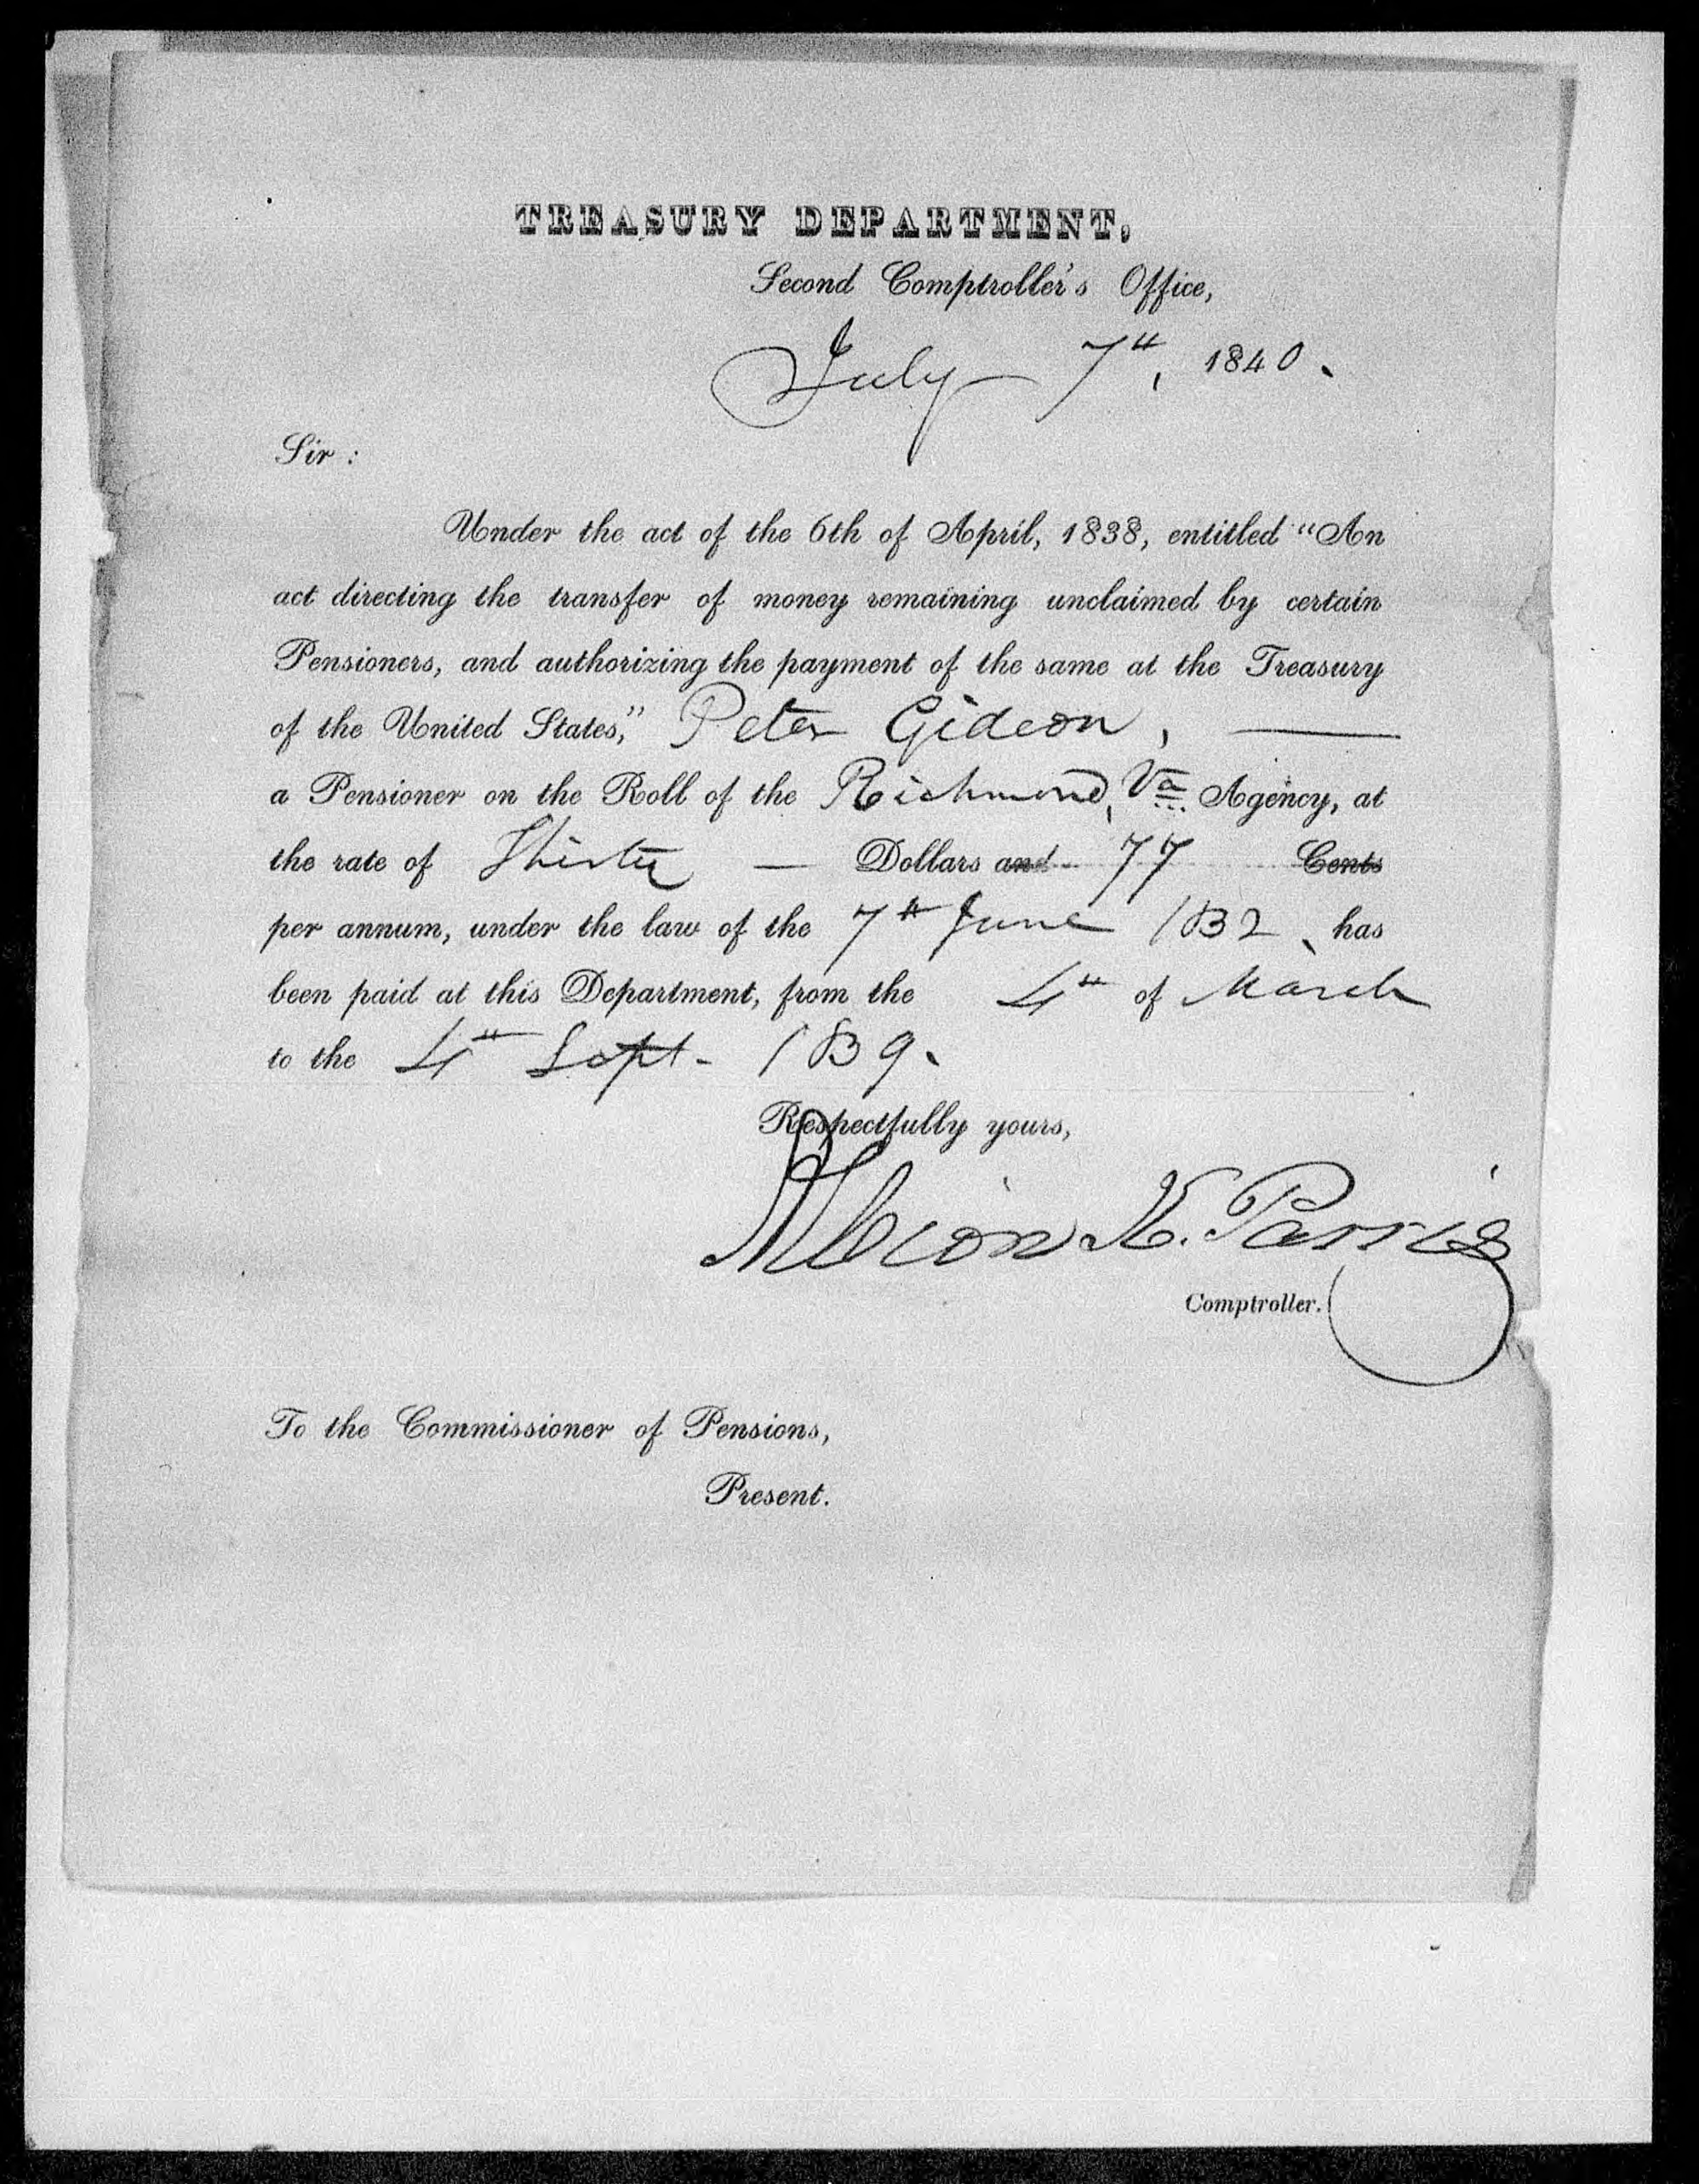TREASURY DEPARTMENT
Second Comptroller's Office
July 7th 1840

Sir:
Under the act of the 6th of April, 1838, entitled "An act directing the transfer of money remaining unclaimed by certain Pensioners, and authorizing the payment of the same at the Treasury of the United States, Peter Gideon
a Pensioner on the Roll of the Richmond, Va Agency, at the rate of Thirty Dollars and 77 Cents
per annum, under the law of the 7th June 1832, has been paid at this Department, from the 4th of March to the 4 Sept. 1839


Respectfully yours,
Albion K. Parris
Comptroller

To the Commissioner of Pensions,
Present.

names: Albion K Parris, Peter Gideon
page: 17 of 64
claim: survivor's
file: S. 6887, Peter Gideon, Md.